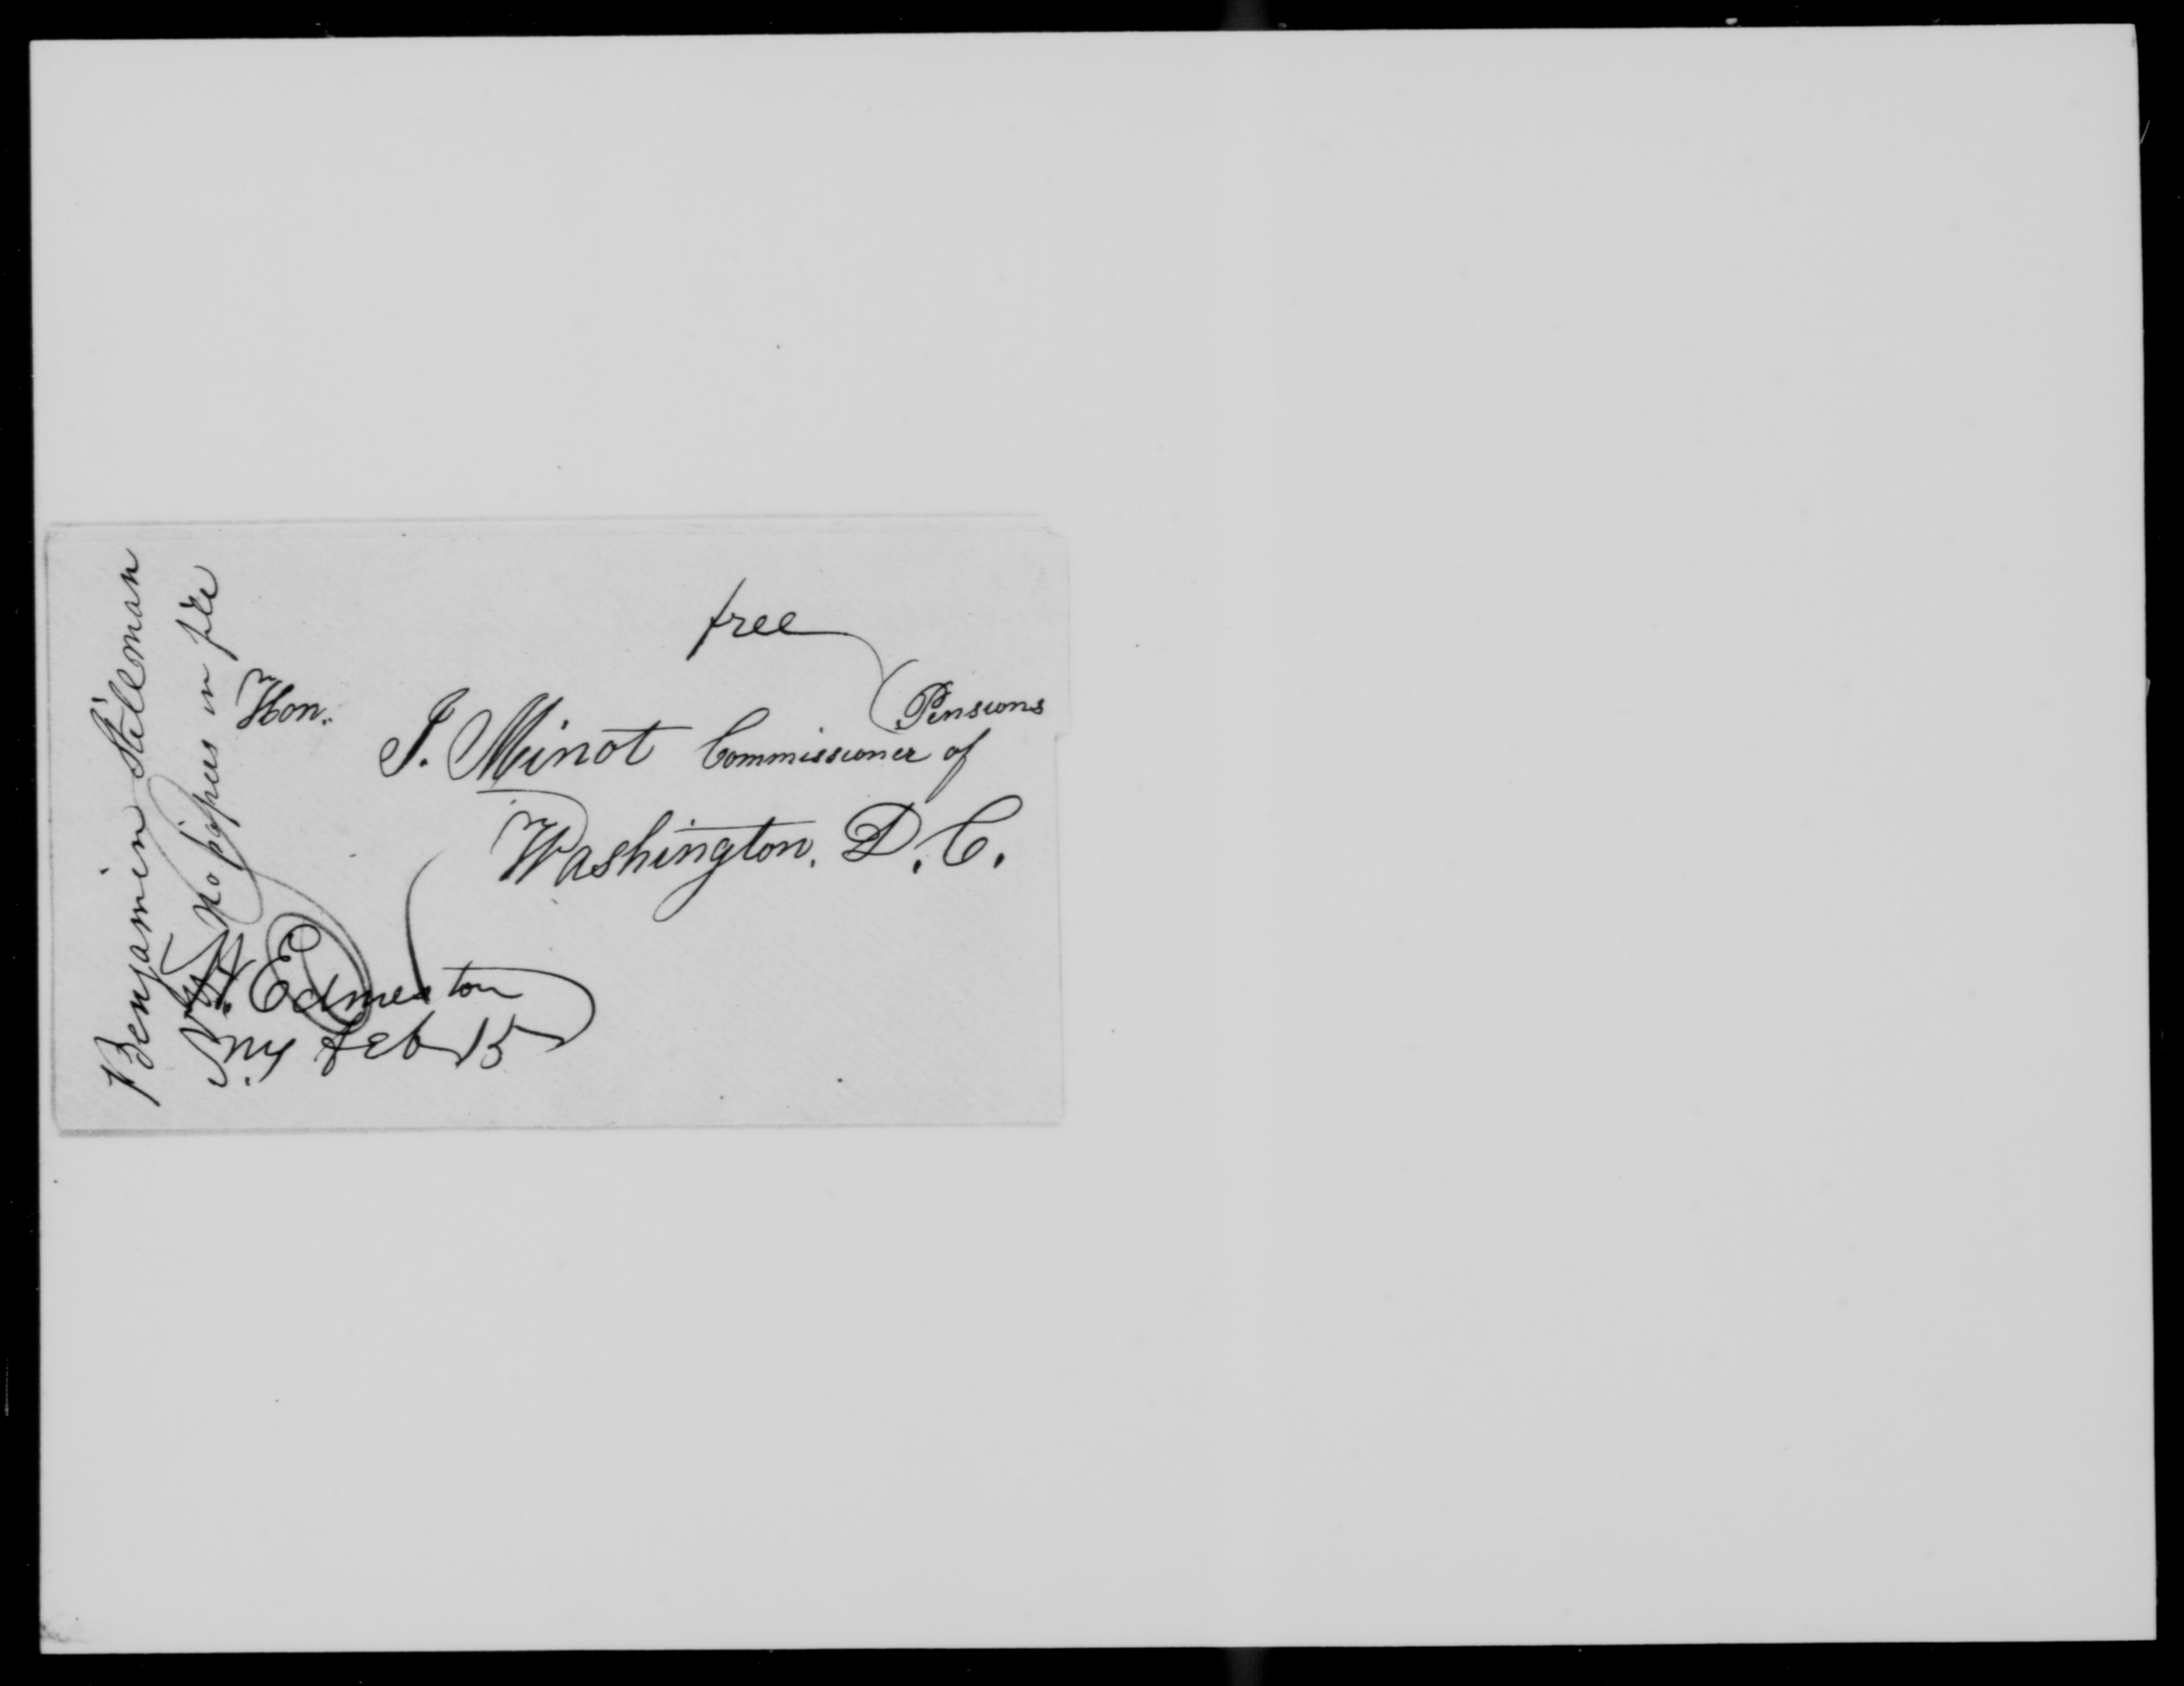free
Hon. J. Minot 
Commissioner of Pensions
Washington, D.C.

W. Edemeston
Ny Feb 15

[left side vertical]
Benjamin Stillman
No papers in file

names: Benjamin Stillman; W Edmeston; J Minot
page: 11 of 29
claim: bounty land warrant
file: B.L.Wt.47987-160-55, for Benjamin Stillman, Rhode Island